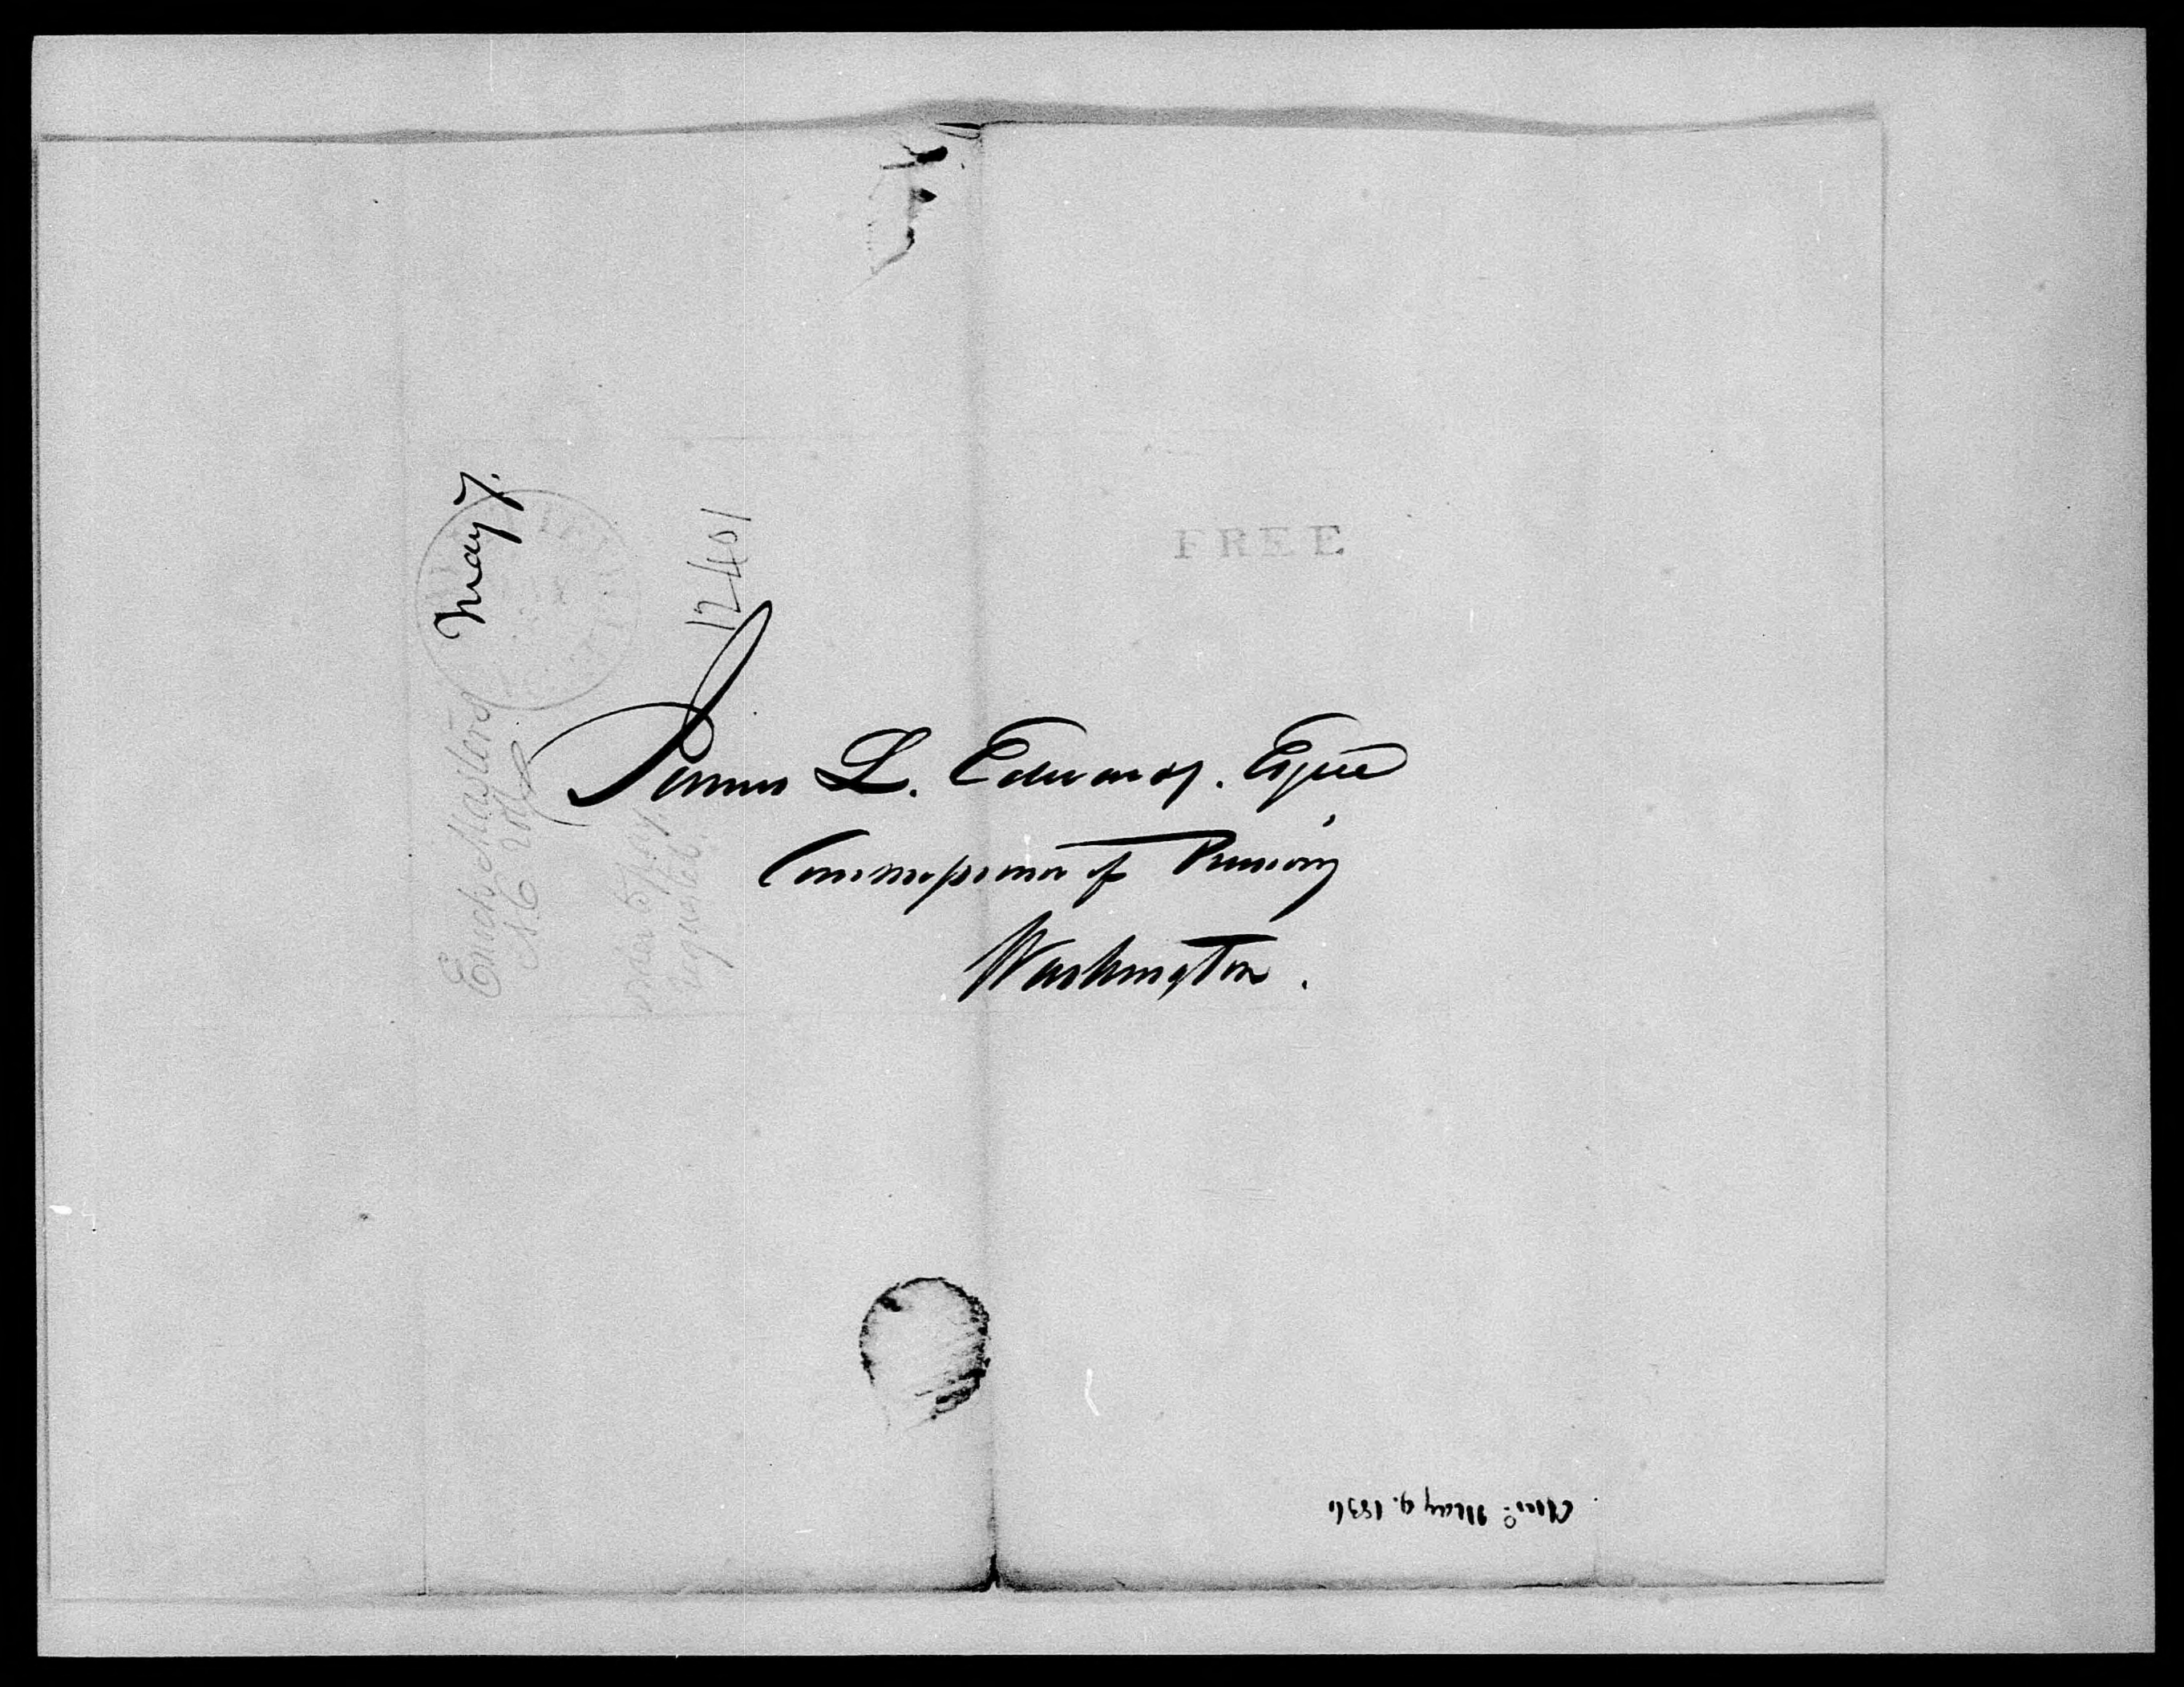[stamp says FREE]

James L. Edwards Esq
Commission of Pension
Washington.

[sideway in the margin]
Enoch Masters
N.C. [illegible]

order to pay requested

12401

May 7

[stamp reads] Fayetteville May [illegible]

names: James L Edwards; Enoch Masters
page: 14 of 15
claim: survivor's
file: S. 2749, for Enoch Masters, North Carolina